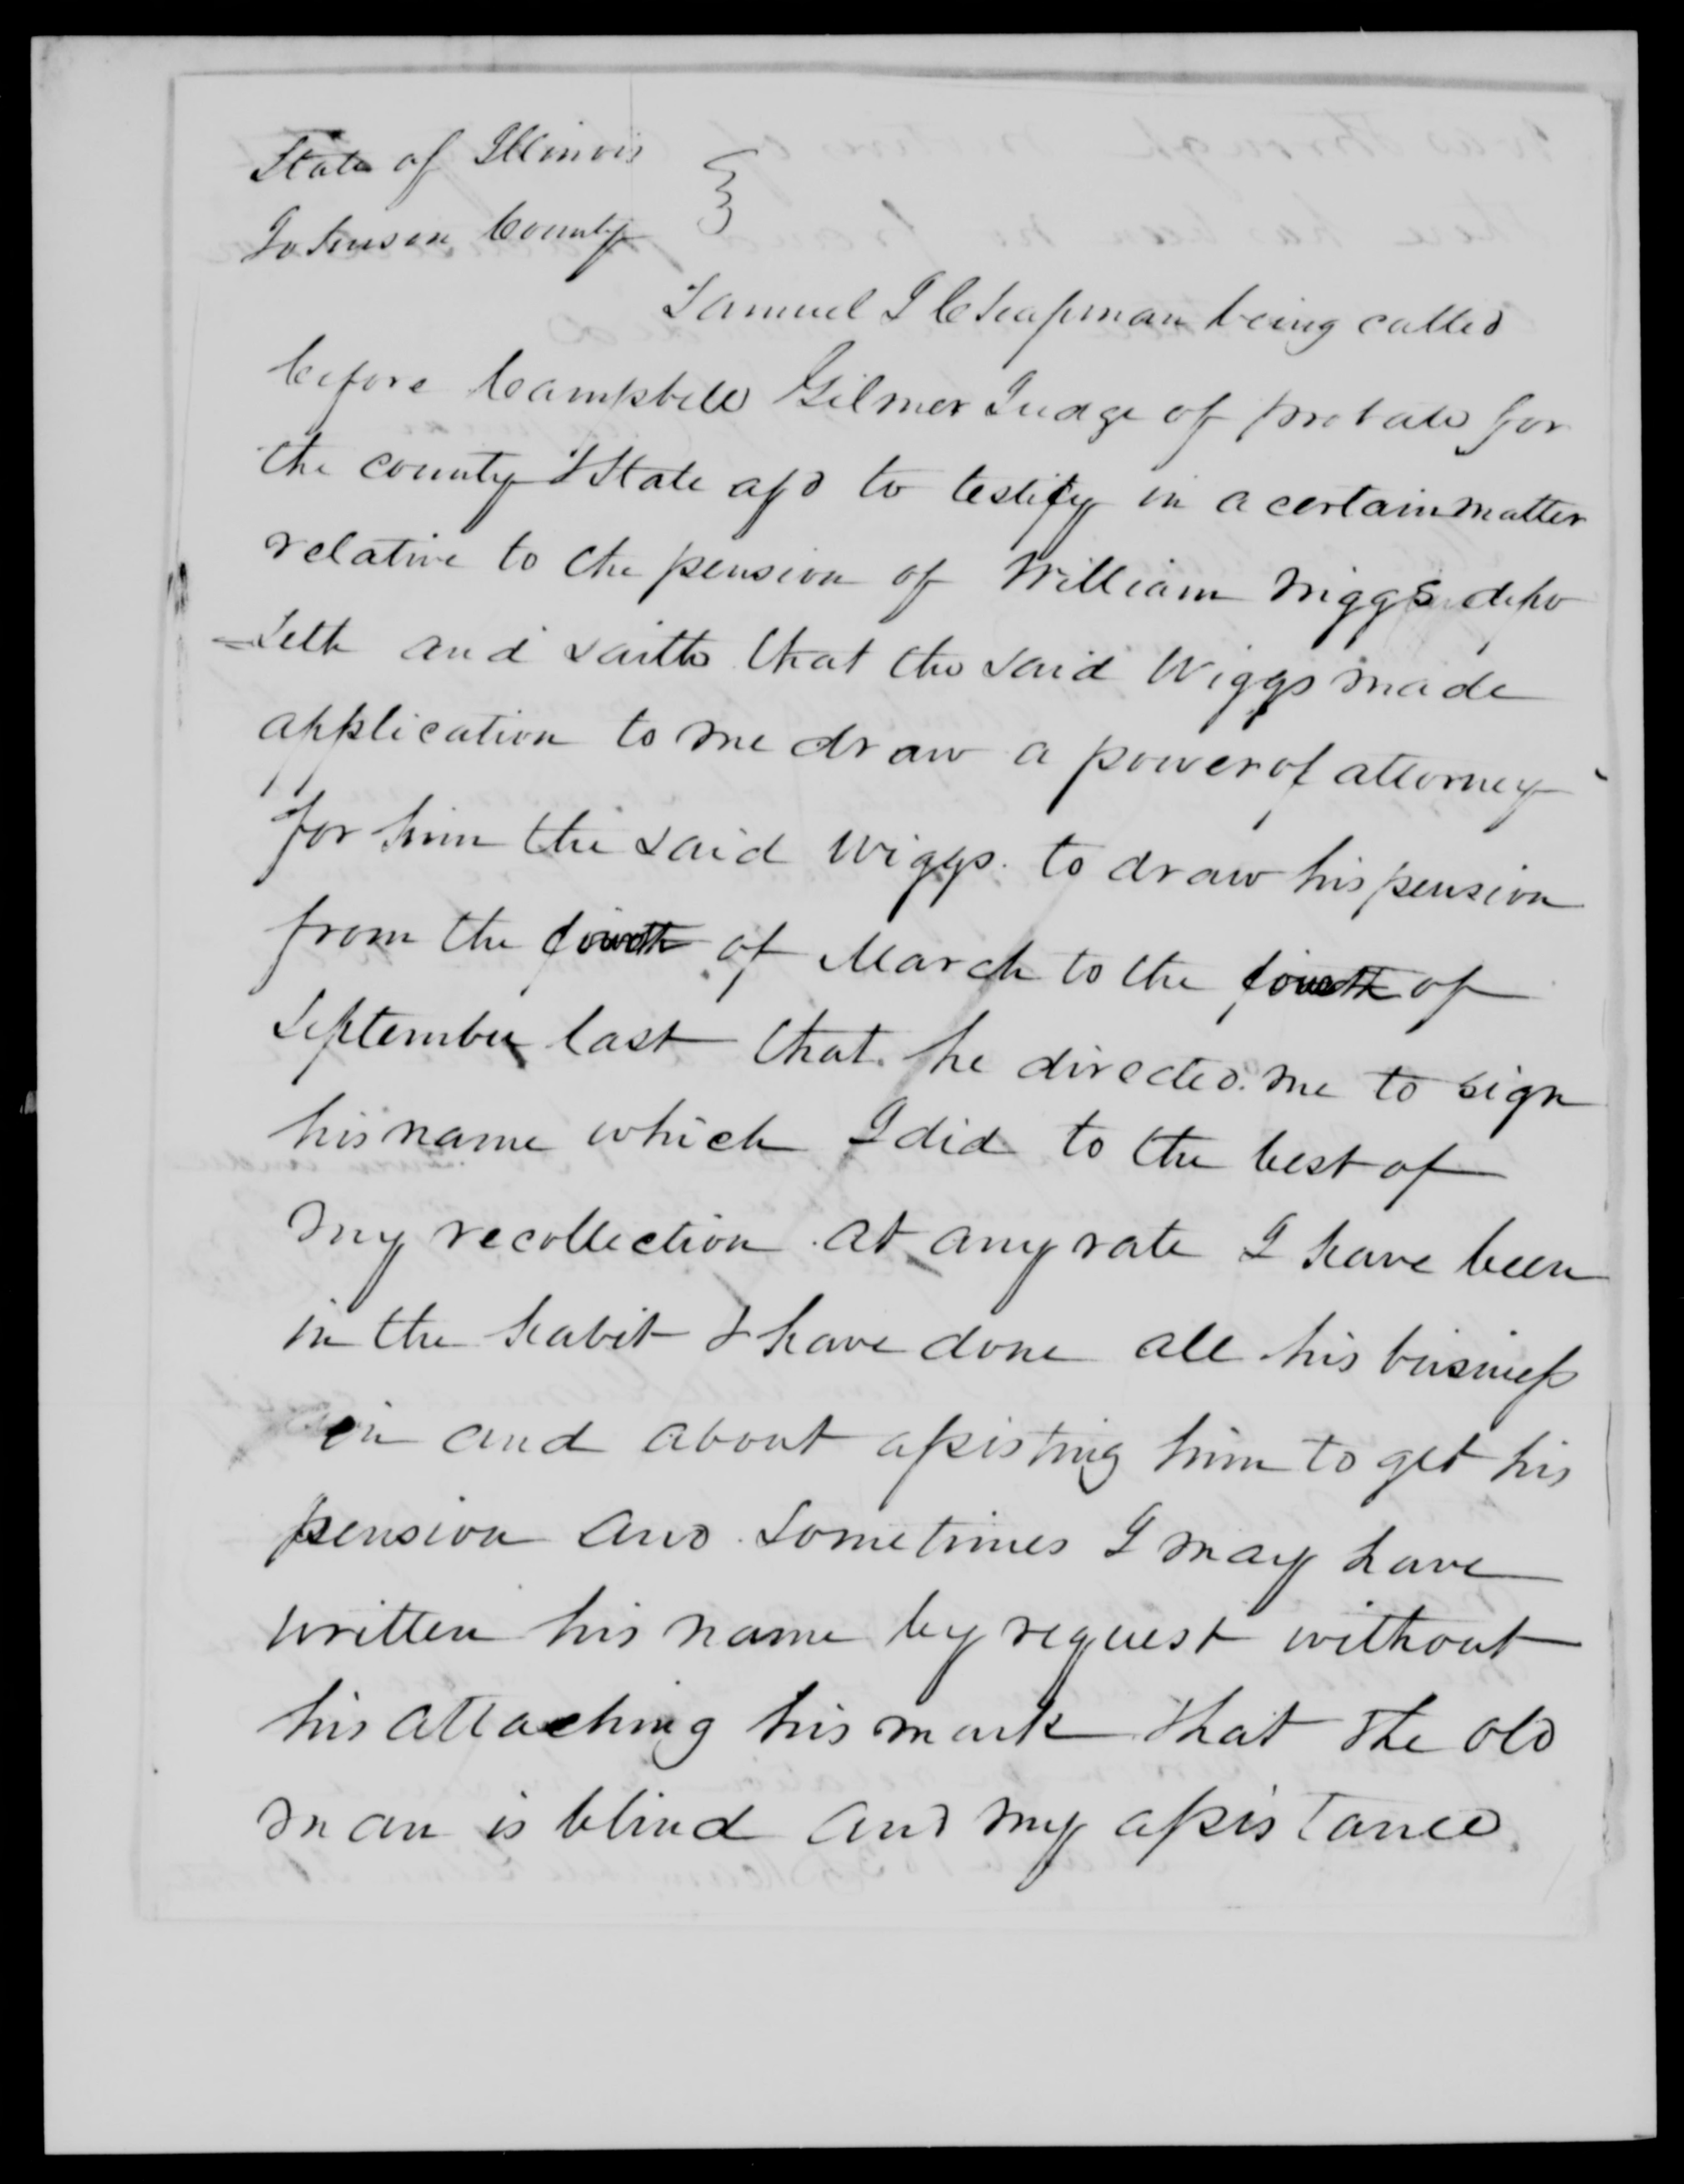State of Illinois
Johnson County

                        Samuel J Chapman being called before Campbell Gilmer Judge of Probate for
the County & State af’d  to testify in a certain matter relative to the pension of William Wiggs deposeth and saith that the said Wiggs made application to me draw a power of attorney for him the said Wiggs to draw his pension from the fourth of March to the fourth of September last, that he directed me to sign his name which I did to the best of my recollection, at any rate I have been in the habit &  have done all his business in and about assisting him to get his pension and sometimes I may have
written his name by request without his attaching his mark.  that the old man is blind and my assistance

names: William Wiggs, Samuel J Chapman, Campbell Gilmer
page: 16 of 31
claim: survivor's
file: S. 32608, William Wiggs, N.C.